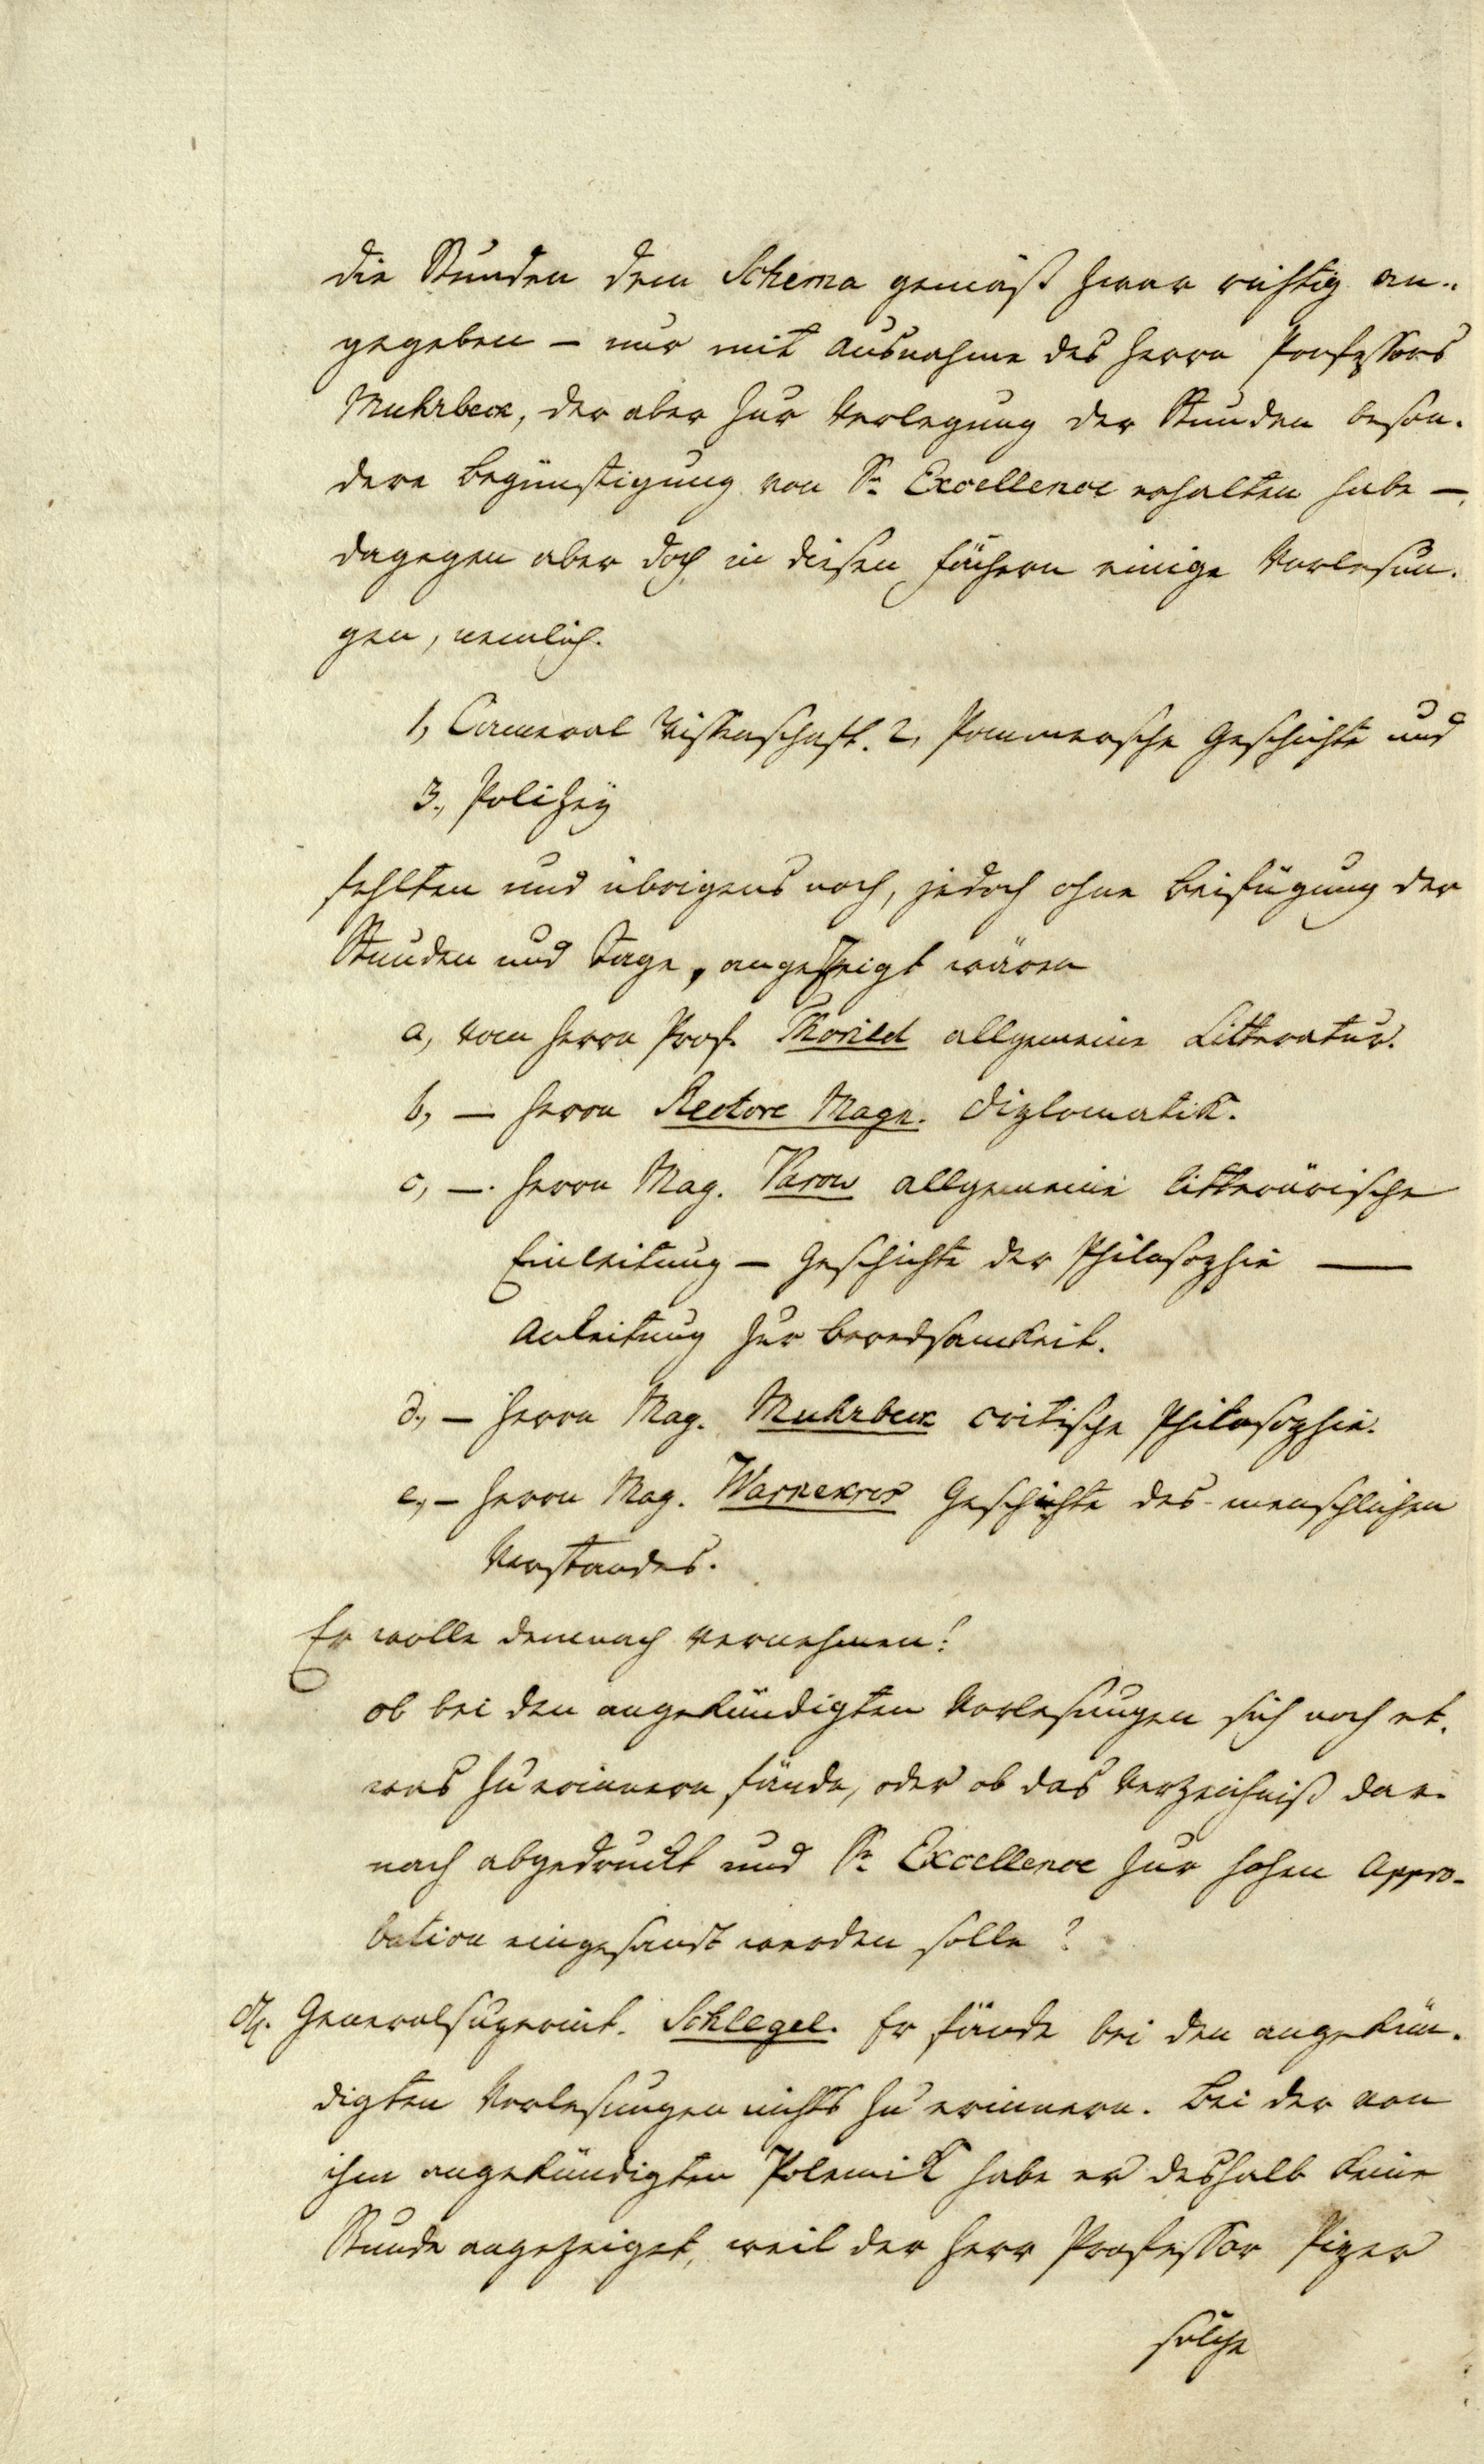die Stunden dem Schema gemäß zwar richtig an¬
gegeben nur mit Ausnahme des herrn Professors
Muhrbeck, der aber zur Verlegung der Stunden beson¬
dere Begünstigung von Sr. Excellence erhalten habe,
dagegen aber doch in diesen Fächern einige Vorlesun¬
gen nemlich.
1, Cameral Wissenschaft. 2, Pommersche Geschichte und
3., Polizeÿ
fehlten übrigens noch, jedoch ohne Beifügung der
Stunden und Tage, angezeigt wären
a, vom herrn Prof. Thorild allgemeine Litteratur
b, herrn Rectore Magn. Diplomatik
c, herrn Mag. Parow allgemeine litterärische
Einleitung Geschichte der Philosophie
Anleitung für Beredsamkeit.
d, herrn Mag. Muhrbeck critische Philosophie
e, herrn Mag. Warnekros Geschichte des menschlichen
Verstandes.
Er wolle demnach vernehmen:
ob bei den angekündigten Vorlesungen sich noch et¬
was zu erinnern fände, oder ob das Verzeichniß dar¬
nach abgedruckt und Sr. Excellence zur hohen Appro¬
bation eingesandt werden solle?
dh. Generalsuperint. Schlegel. Er fände bei den angekün¬
digten Vorlesungen nichts zu erinnern. Bei der von
ihm angekündigten Polemik habe er deshalb keine
Stunde angezeiget, weil der herr Professor Piper
solche